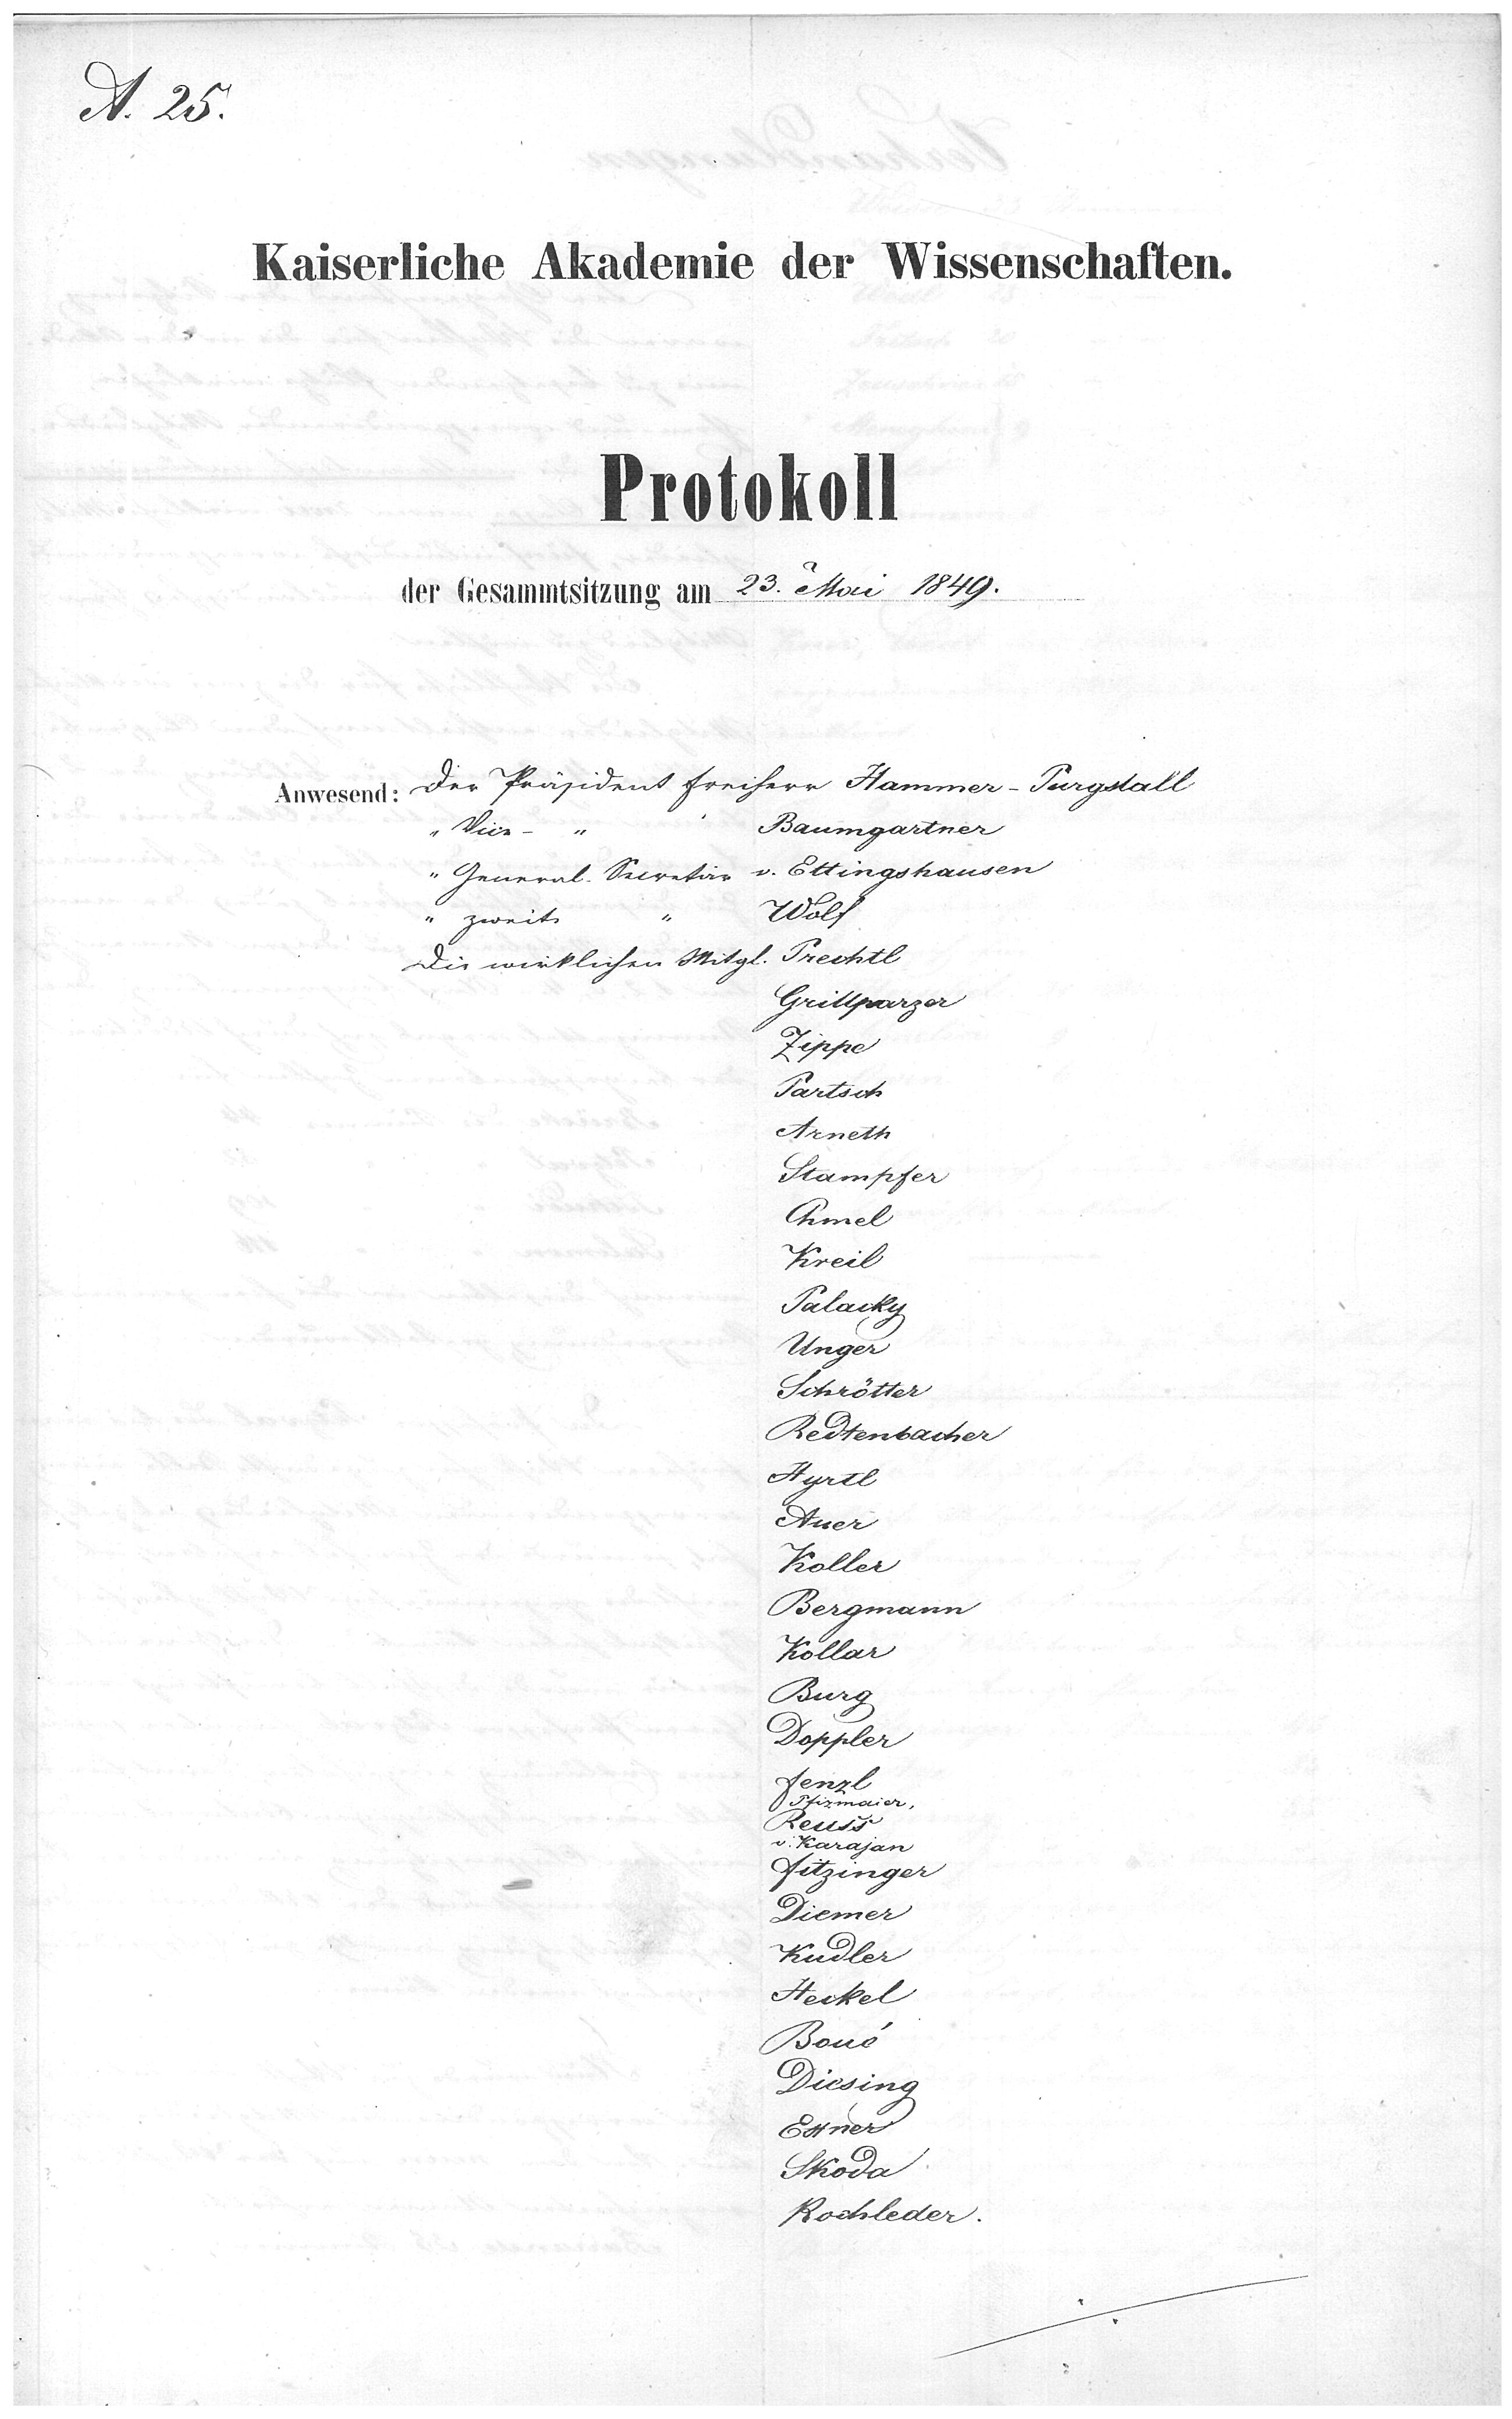A. 25.
Kaiserliche Akademie der Wissenschaften.
Protokoll
der Gesammtsitzung am 23. Mai 1849.
der Präsident Freiherr Hammer-Purgstall
" Vice-" Baumgartner
" General-Secretär v. Ettingshausen
" zweite " Wolf
Die wirklichen Mitgl Prechtl
Anwesend:
Grillparzer
Zippe
Partsch
Arneth
Stampfer
Chmel
Kreil
Palacky
Unger
Schrötter
Redtenbacher
Hyrtl
Auer
Koller
Bergmann
Kollar
Burg
Doppler
Fenzl
Pfizmaier
Reuss
v. Karajan
Fitzinger
Diemer
Kudler
Heckel
Boué
Diesing
Exner
Skoda
Rochleder.